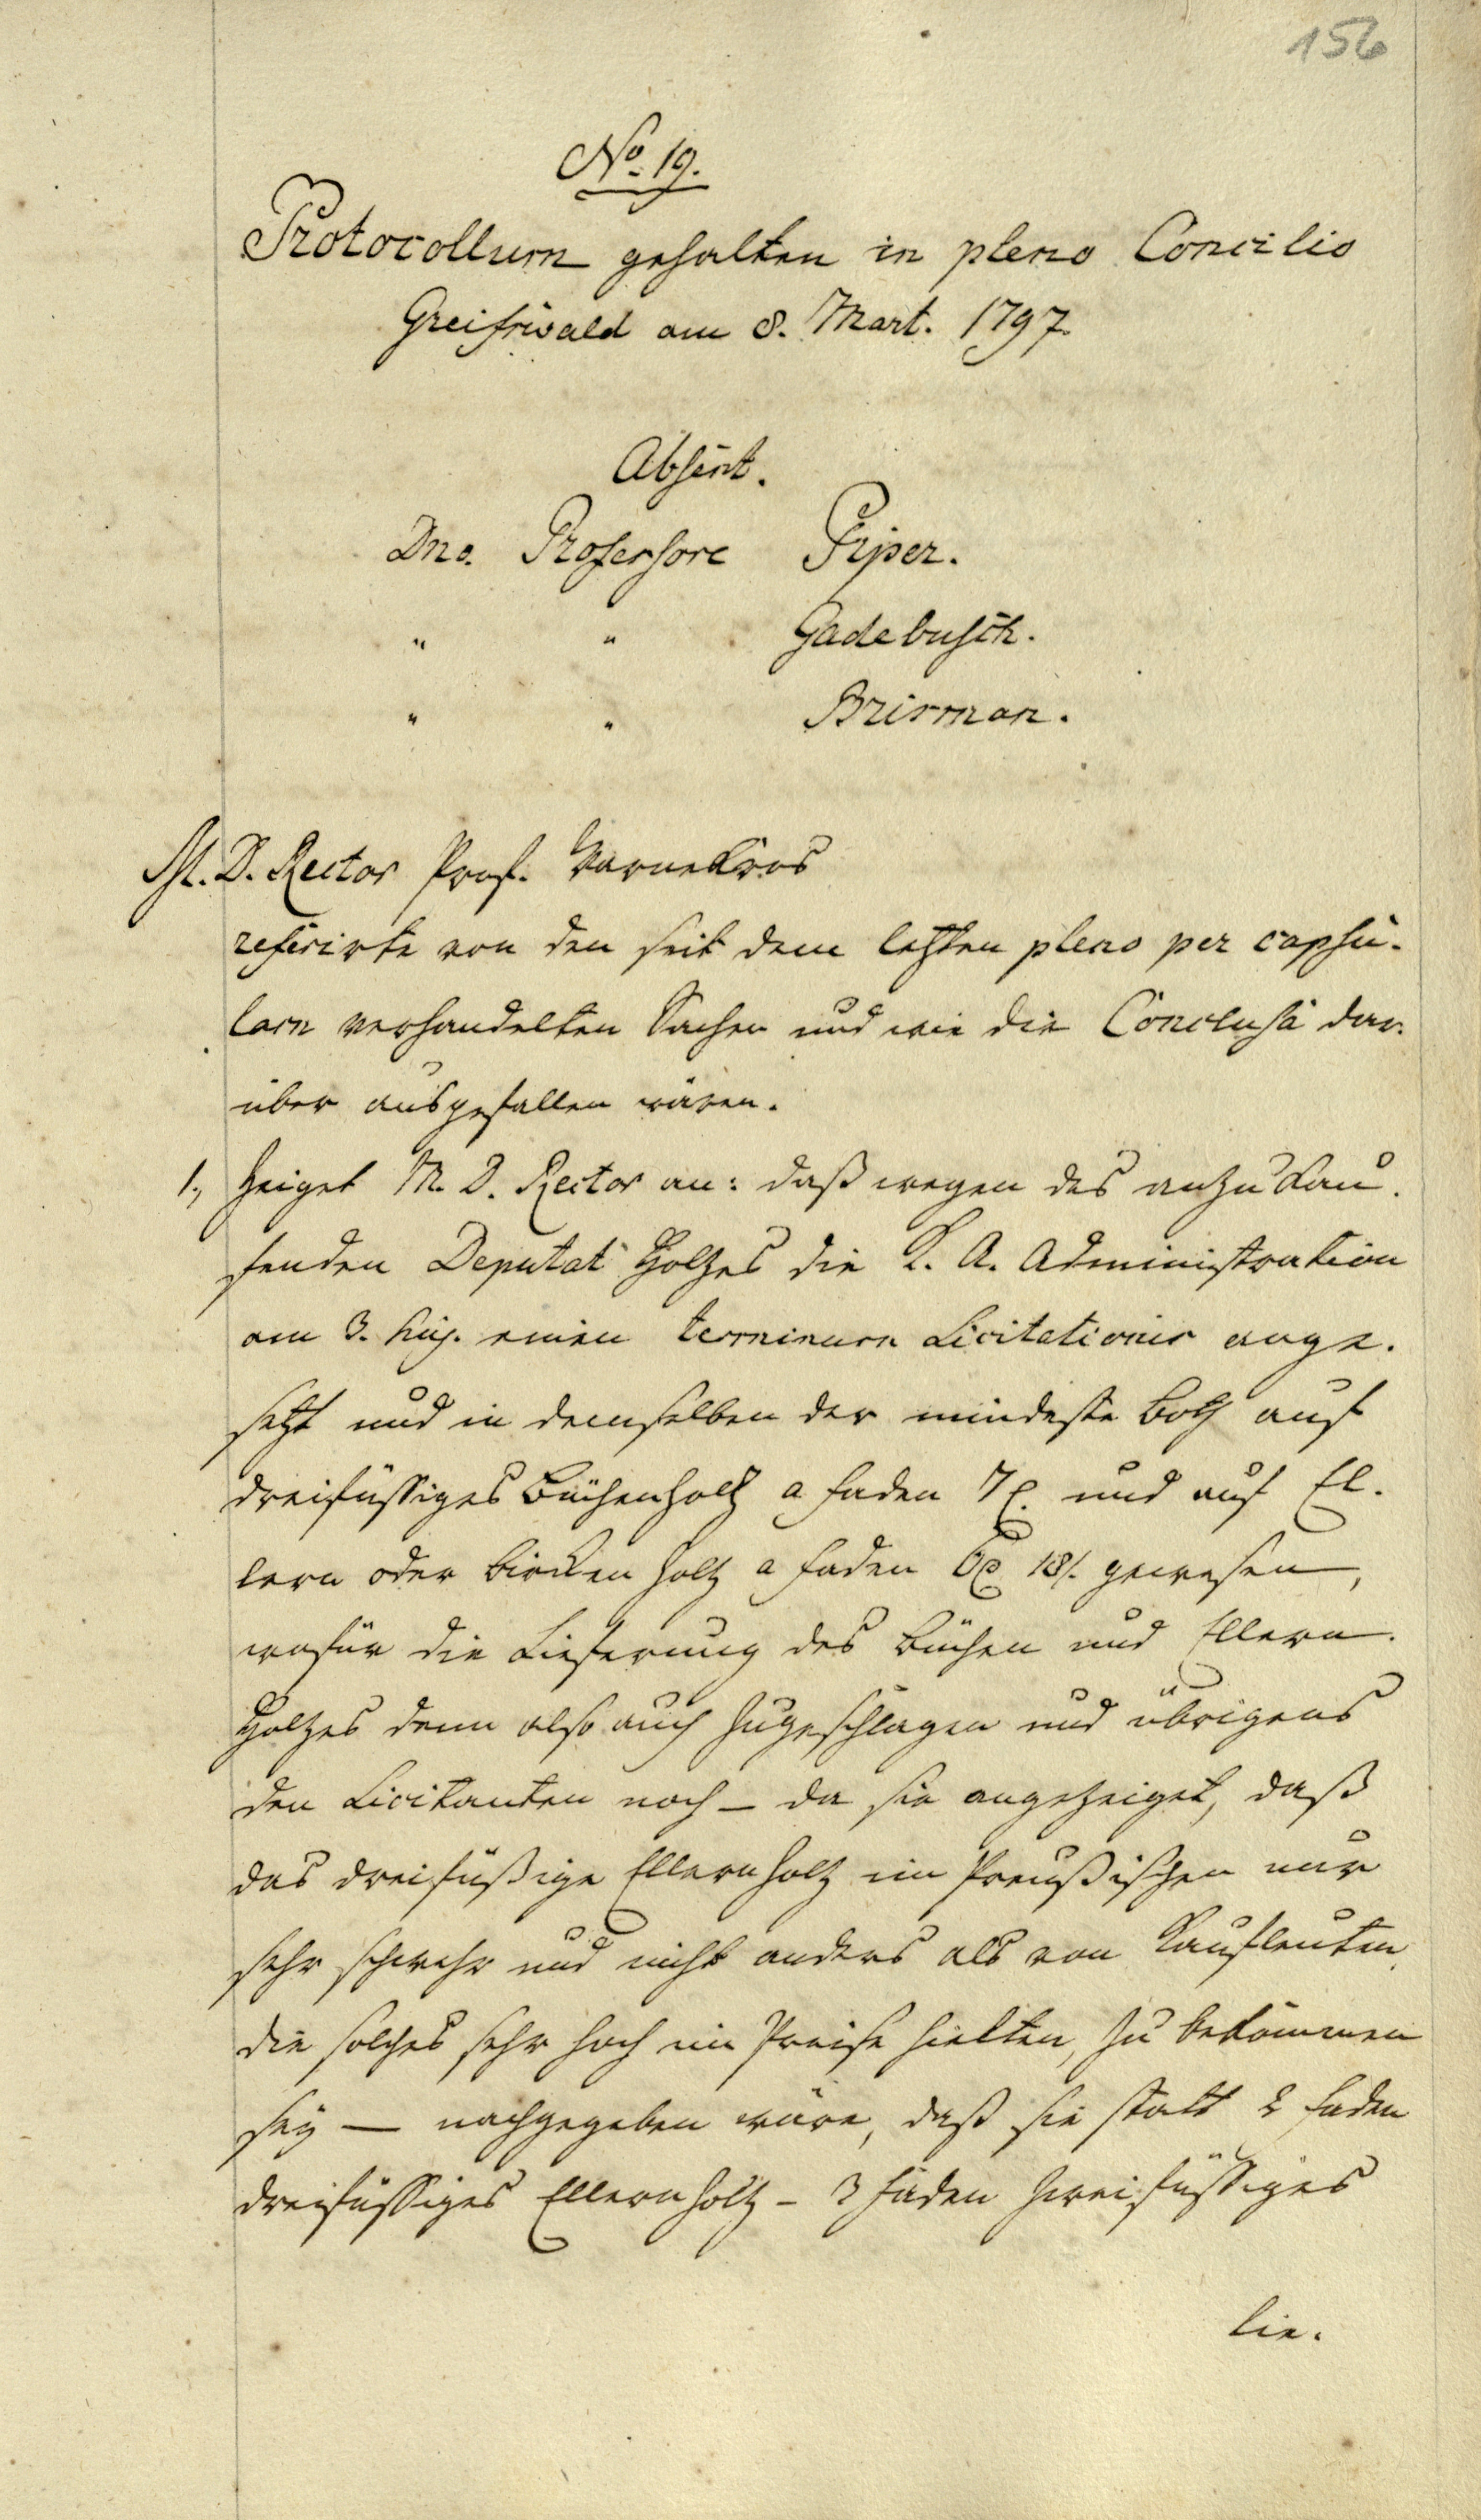No 19.
Protocollum gehalten in pleno Concilio
Greifswald am 8. Mart. 1797.
Absent.
Dn. Professore Piper.
Gadebusch.
Brisman.
M. D. Rector Prof. Warnekros
referirte von den seit dem letzten pleno per capsu¬
lam verhandelten Sachen und wie die Conclusa dar¬
über ausgefallen wären.
1., Zeiget M. D. Rector an: daß wegen des anzukau¬
fenden Deputat Holzes die K. A. Administration
am 3. huj. einen terminum Licitationis ange¬
setzt und in demselben der mindeste Both auf
dreifüssiges Büchenholz a Faden 7 l. und auf El¬
lern oder Bircken Holz a Faden 6 l. 18 s. gewesen,
wofür die Lieferung des Büchen und Ellern¬
Holzes denn also auch zugeschlagen und übrigens
den Licitanten noch da sie angezeiget, daß
das dreifüßige Ellernholz im Preußischen nur
sehr schwehr und nicht anders als von Kaufleuten
die solches sehr hoch im Preise hielten, zu bekommen
seÿ nachgegeben wäre, daß sie statt 2 Faden
dreifüssiges Ellernholz 3 Faden zweifüssiges
lie